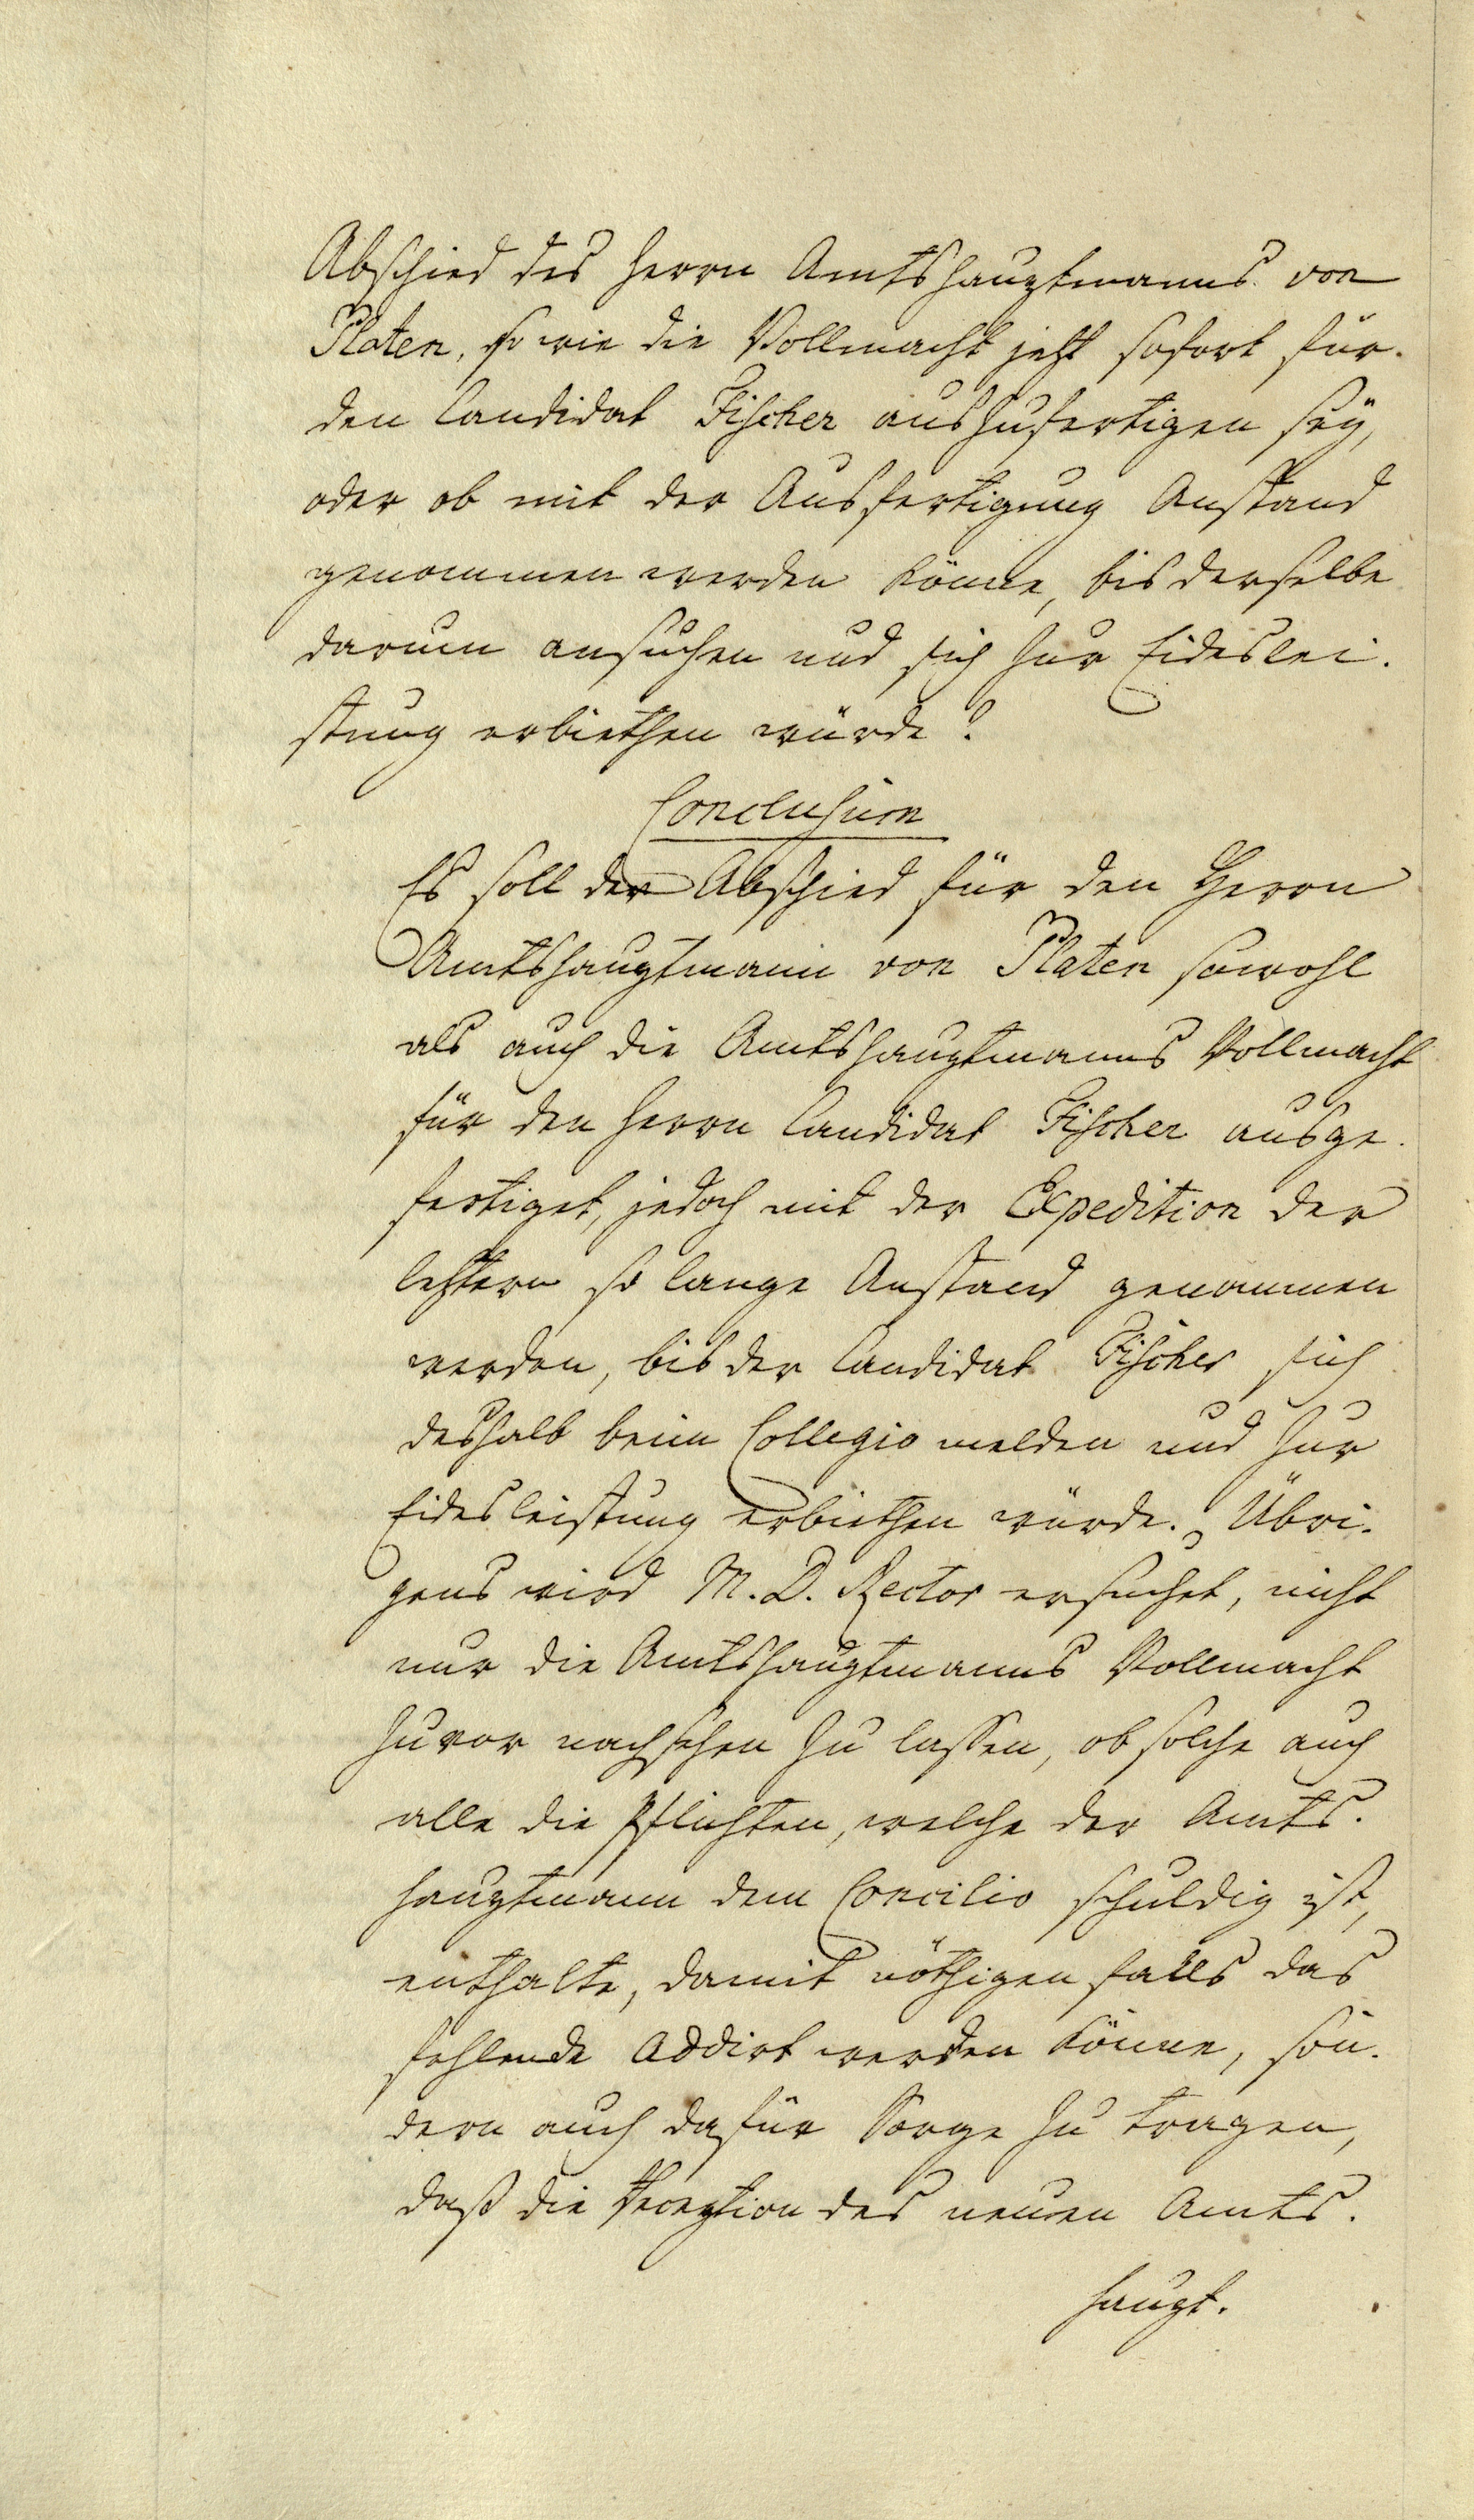Abschied des Herrn Amtshauptmanns von
Platen, so wie die Vollmacht jetzt sofort für
den Candidat Fischer auszufertigen seÿ,
oder ob mit der Ausfertigung Anstand
genommen werden könne, bis derselbe
darum ansuchen und sich zur Eideslei¬
stung erbiethen würde ?
Conclusum
Es soll der Abschied für den Herrn
Amtshauptmann von Platen sowohl
als auch die Amtshauptmanns Vollmacht
für den Herrn Candidat Fischer ausge¬
fertiget, jedoch mit der Expedition der
letztern so lange Anstand genommen
werden, bis der Candidat Fischer sich
deshalb beim Collegio melden und zur
Eidesleistung erbethen würde. Übri¬
gens wird M. D. Rector ersuchet, nicht
nur die Amtshauptmanns Vollmacht
zu vor nachsehen zu lassen, ob solche auch
alle die Pflichten, welche der Amts¬
hauptmann dem Concilio schuldig ist,
enthalte, damit nöthigen falls das
fehlenden Addirt werden könne, son¬
dern auch dafür Sorge zu tragen,
daß die Reception des neuen Amts¬
haupt